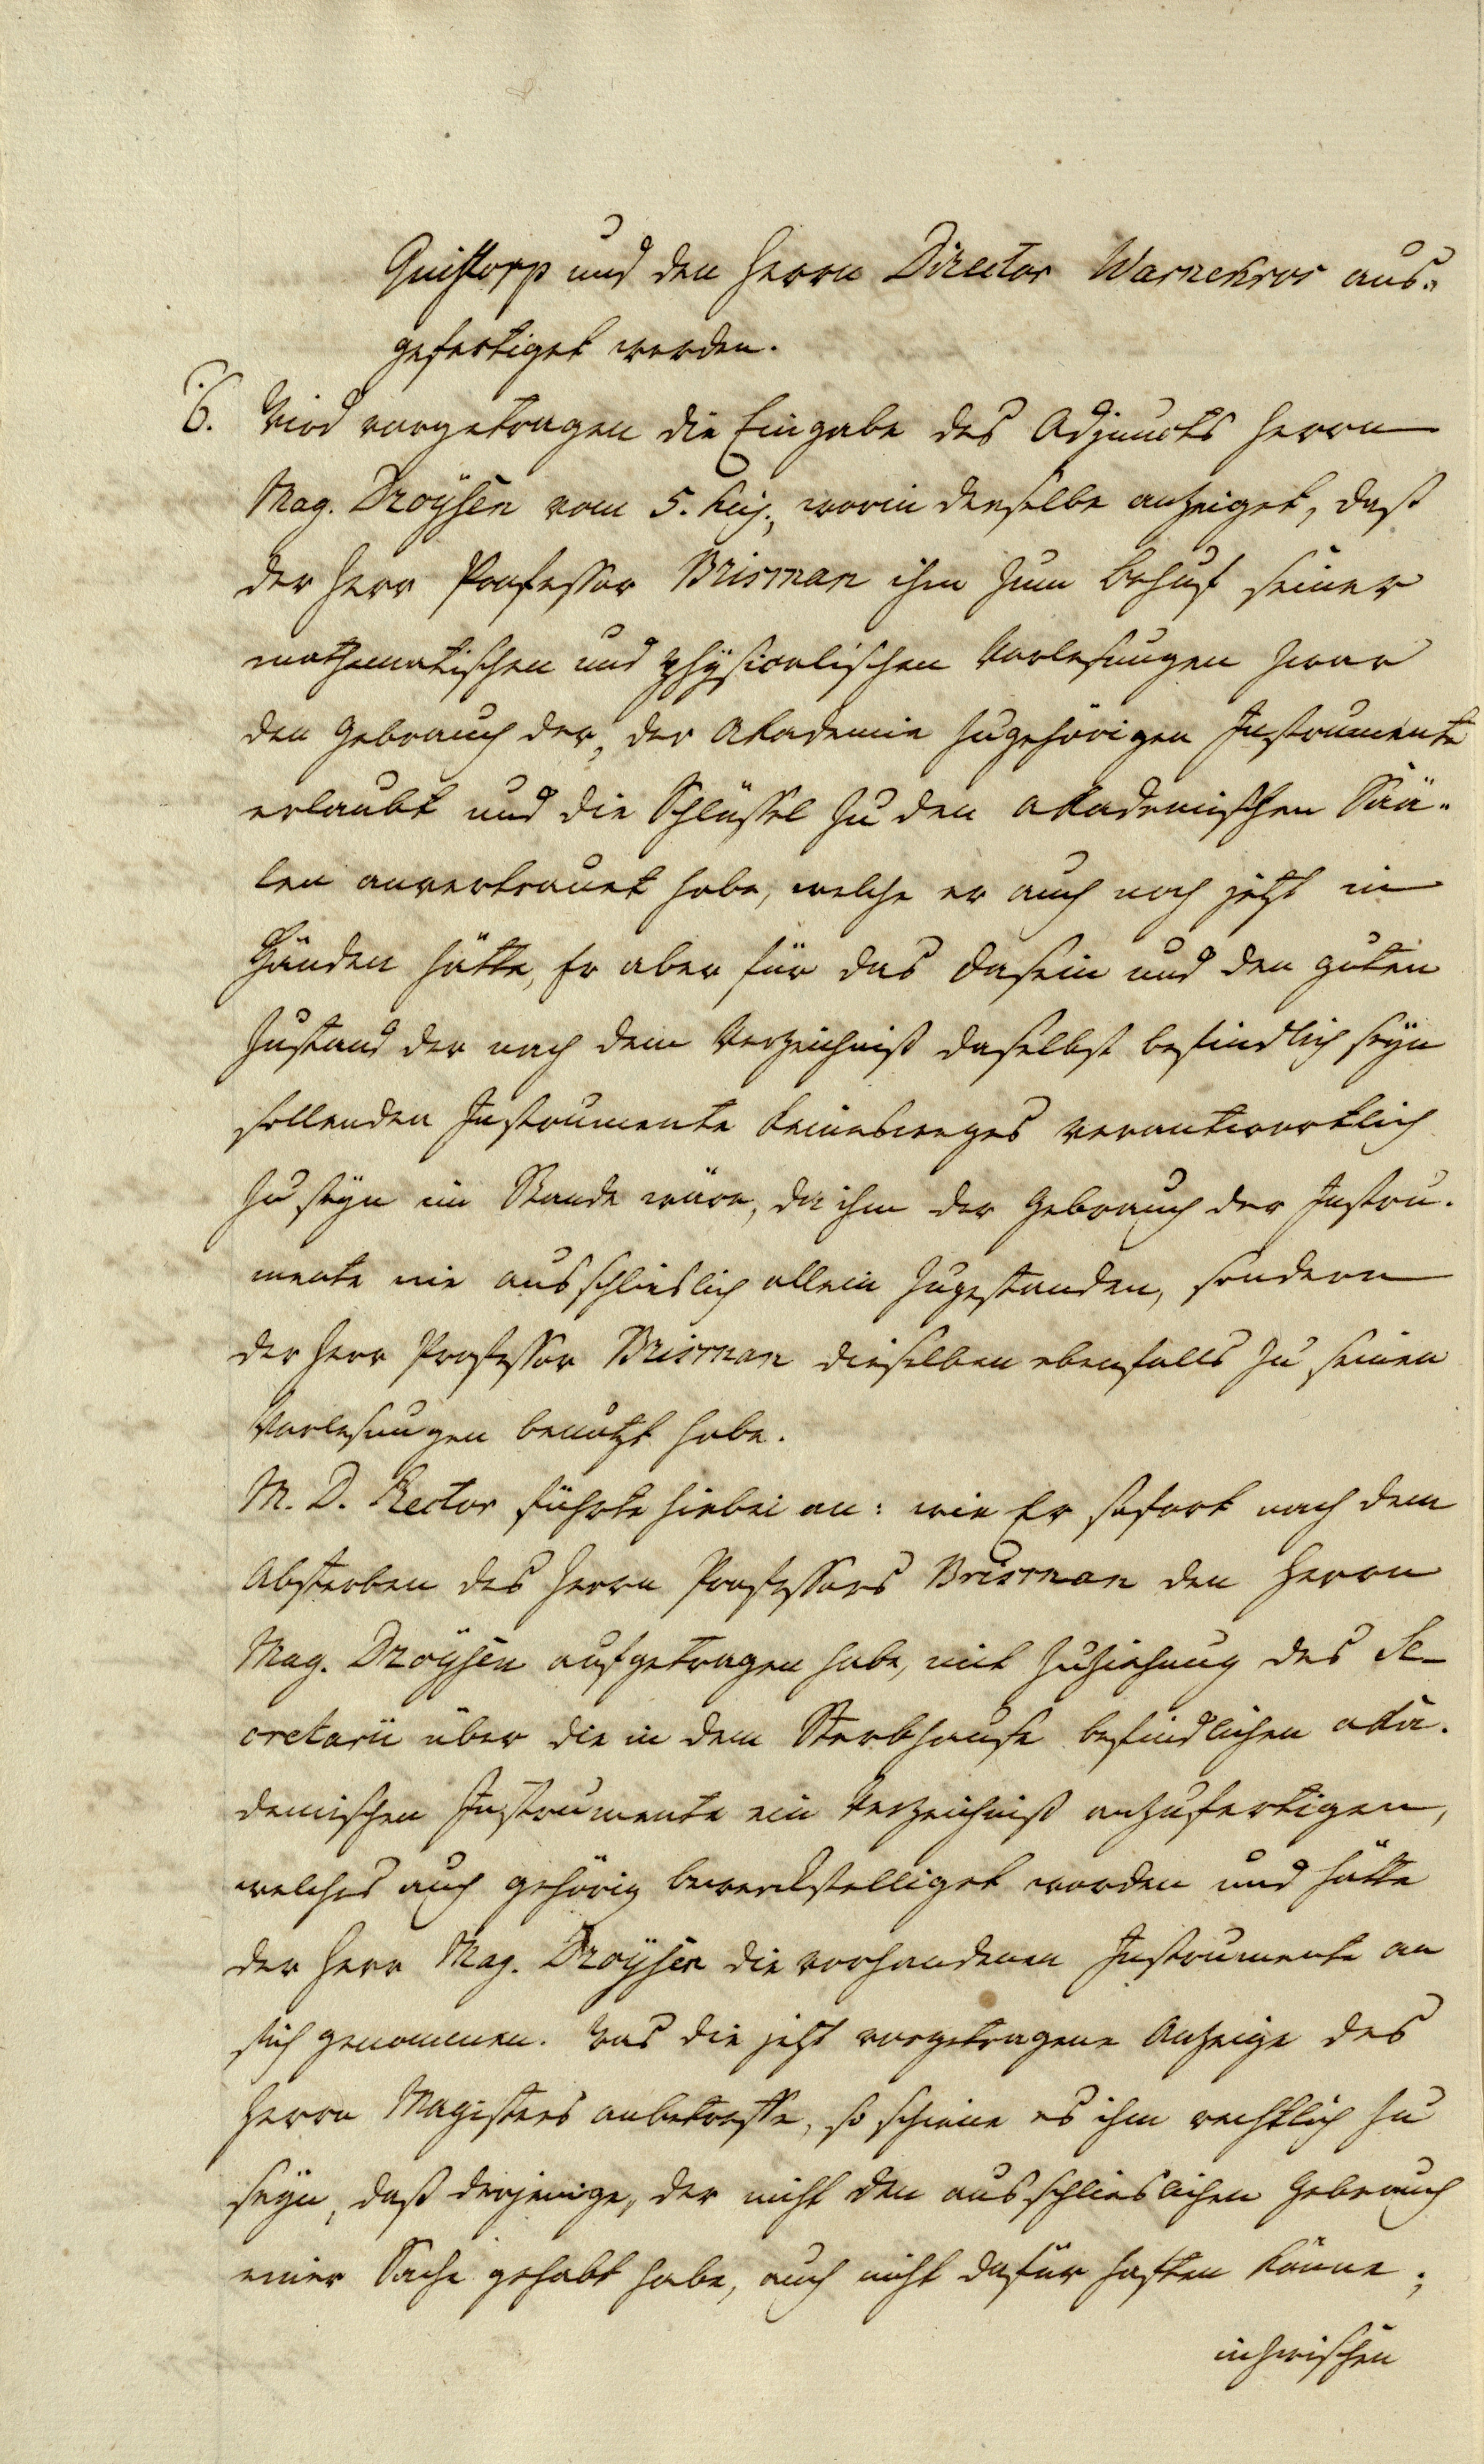Quistorp und den Herrn Director Warnekros aus¬
gefertiget werden.
6. Wird vorgetragen die Eingabe des Adjuncts Herrn
Mag. Droÿsen vom 5. huj., worin derselbe anzeiget, daß
der Herr Professor Brisman ihm zum Behuf seiner
mathematischen und physicalischen Vorlesungen zwar
den Gebrauch der, der Akademie zugehörigen Instrumente
erlaubt und die Schlüssel zu den akademischen Saä¬
len anvertrauet habe, welche er auch noch jetzt in
Händen hätte, Er aber für das Dasein und den guten
Zustand der nach dem Verzeichniß daselbst befindlich seÿn
sollenden Instrumente keinesweges verantwortlich
zu seÿn im Stande wäre, da ihm der Gebrauch der Instru¬
mente nie ausschlieslich allein zugestanden, sondern
der Herr Professor Brisman dieselben ebenfalls zu seinen
Vorlesungen benutzt habe.
M. D. Rector führte hiebei an: wie Er sofort nach dem
Absterben des Herrn Professors Brisman den Herrn
Mag. Droÿsen aufgetragen habe, mit Zuziehung des Se¬
cretarii über die in dem Sterbhause befndlichen aka¬
demischen Instrumente ein Verzeichniß anzufertigen,
welches auch gehörig bewerckstelliget worden und hätte
der Herr Mag. Droÿsen die vorhandenen Instrumente an
sich genommen. Was die jetzt vorgetragene Anzeige des
Herrn Magisters anbetreffe, so schiene es ihm rechtlich zu
seÿn, daß derjenige, der nicht den ausschlieslichen Gebrauch
einer Sache gehabt habe, auch nicht dafür haften könne;
inzwischen